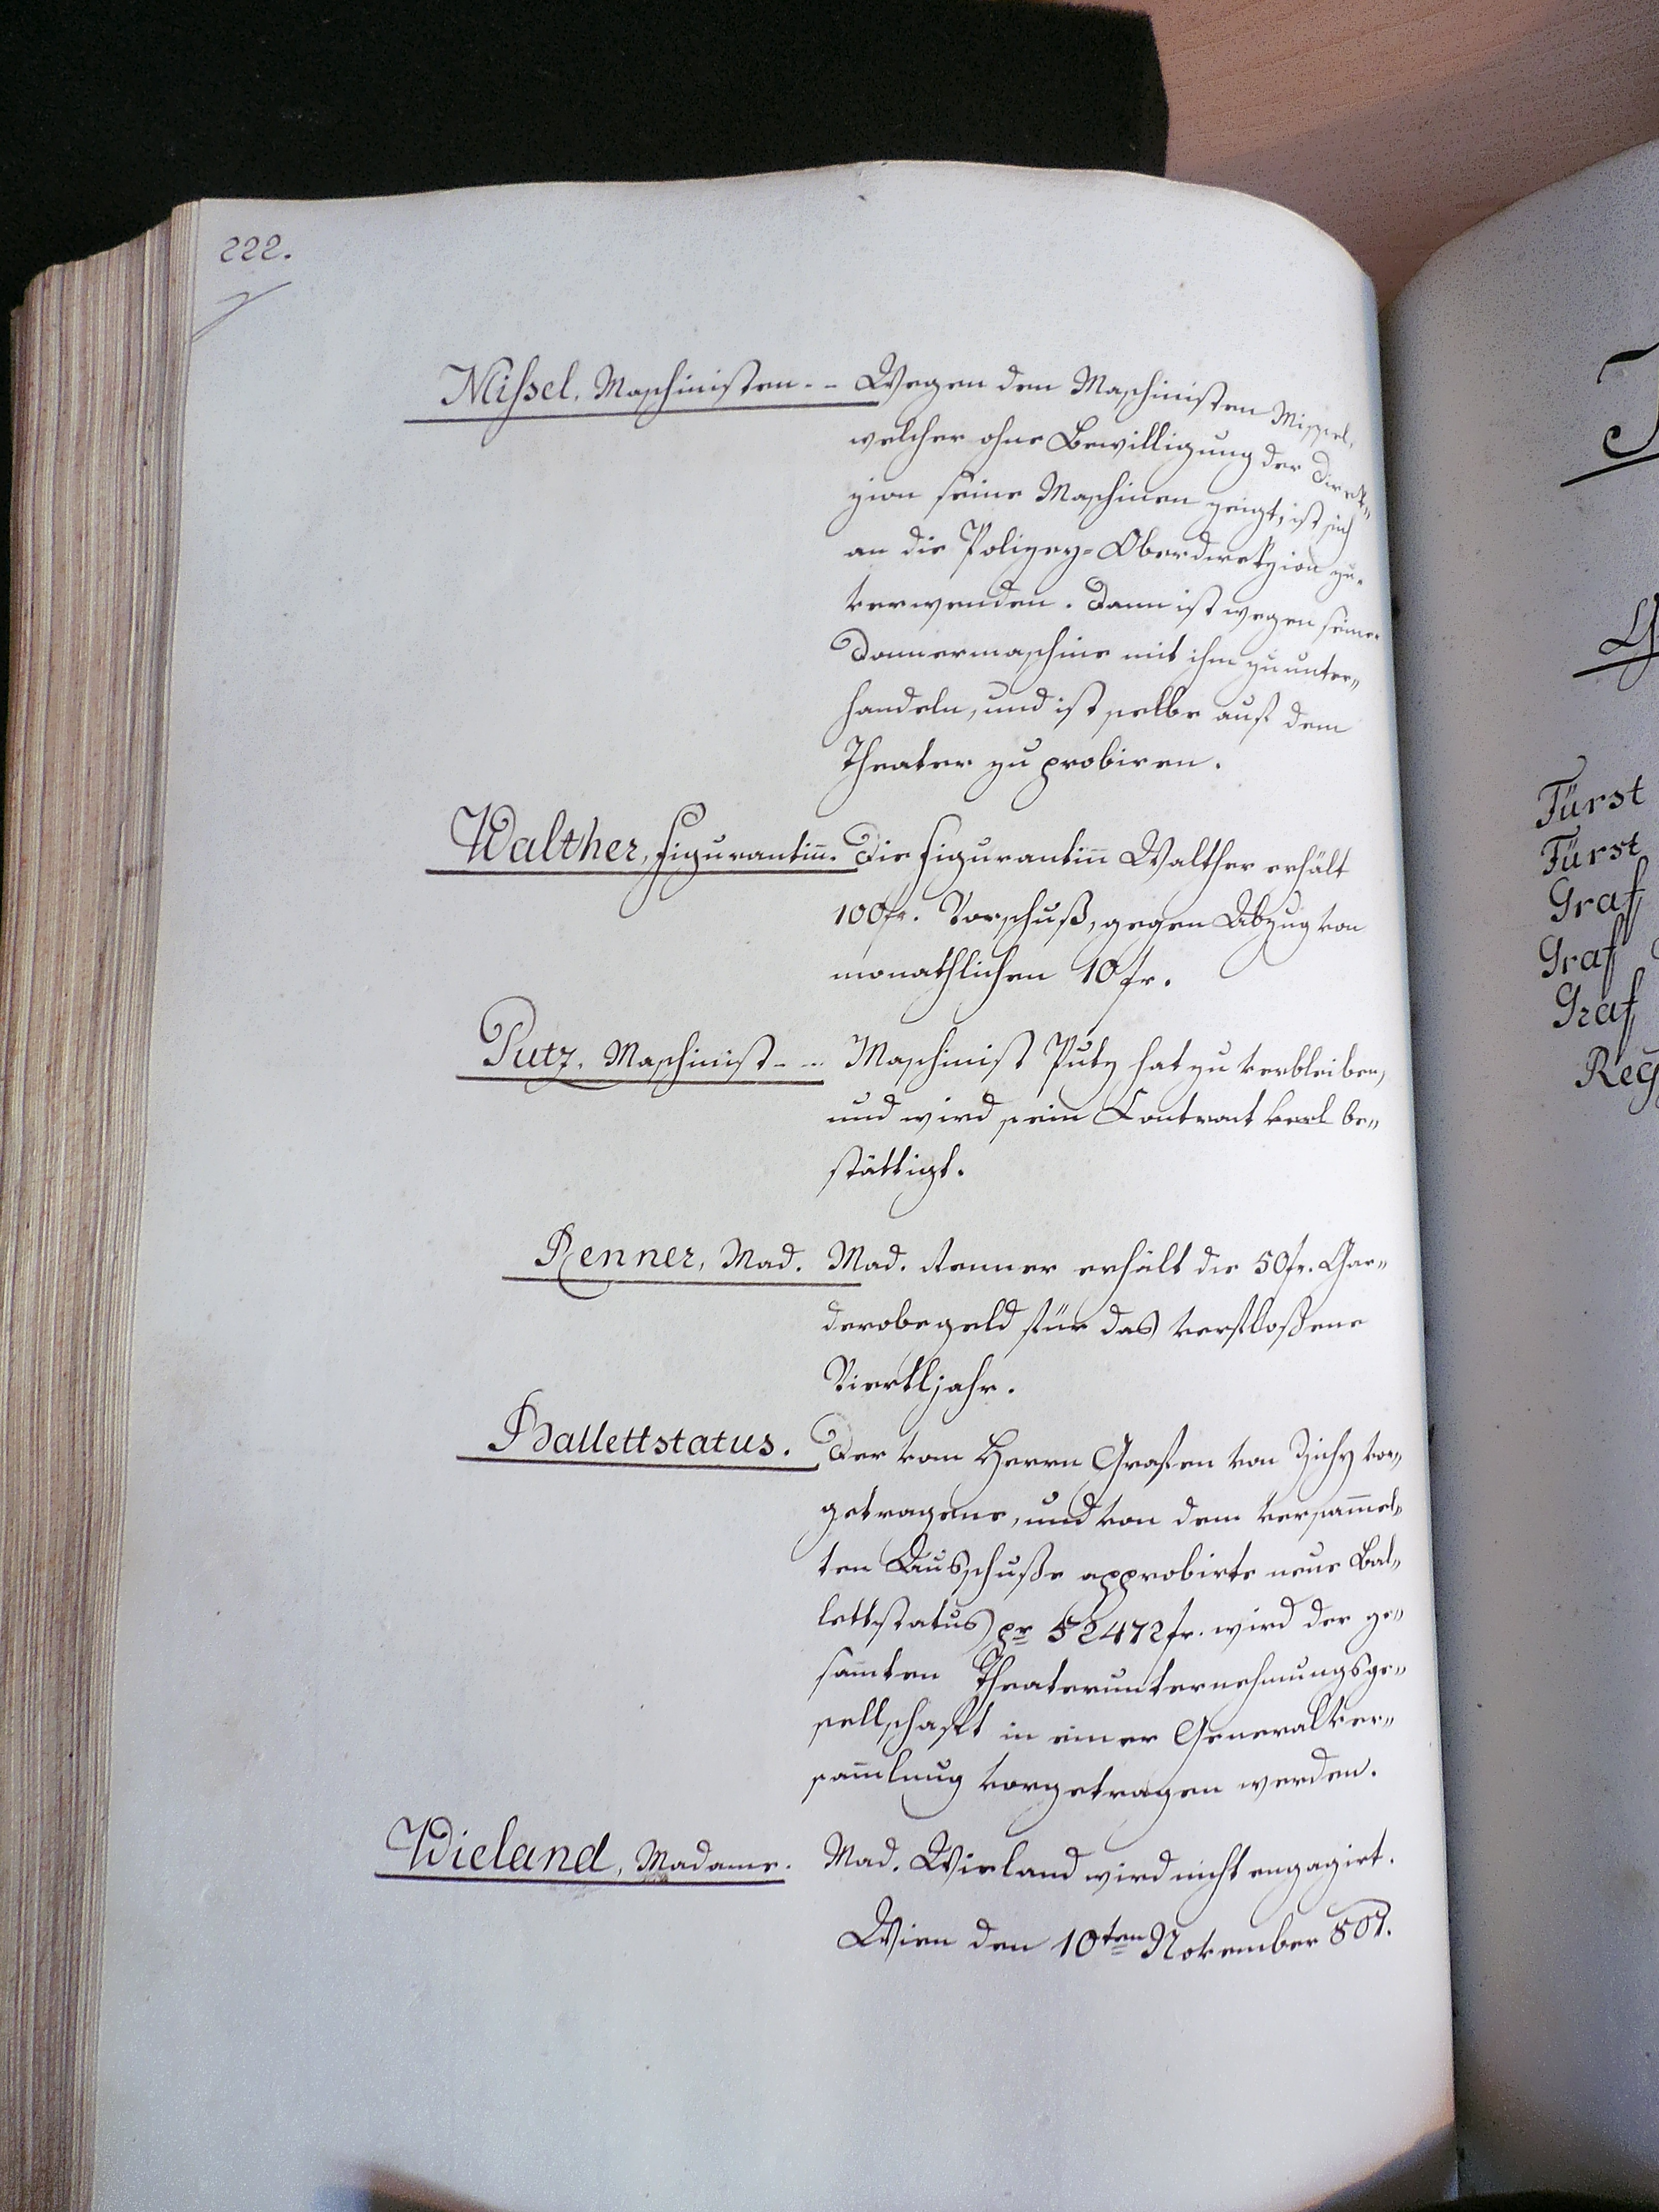222.
Missel, Maschinisten. .. Wegen dem Maschinisten Missel,
welcher ohne Bewilligung der Direk¬
zion seine Maschinen zeigt, ist sich
an die Polizey=Oberdirekzion zu¬
verwenden. Dann ist wegen seiner
Donnermaschine mit ihm zu unter¬
handeln, und ist selbe auf dem
Theater zu probiren.
Walther, Figurantin̅. Die Figurantin̅ Walther erhält
100fr. Vorschuß, gegen Abzug von
monathlichen 10fr.
Putz, Maschinist .. ... Maschinist Putz hat zu verbleiben,
und wird sein Contract verl be¬
stätigt.
Renner, Mad. Mad. Renner erhält die 50fr. Gar¬
derobegeld für das verfloßene
Viertljahr.
Ballettstatus. Der von Herrn Grafen von Zichy vor¬
getragene, und von dem versam̅el¬
ten Auschuße approbirte neue Bal¬
lettstatus pr͇ 52472fr. wird der ge¬
sam̅ten Theaterunternehmungsge¬
sellschaft in einer Generalver¬
sam̅lung vorgetragen werden.
Wieland, Madame. Mad. Wieland wird nicht engagirt.
Wien den 10te͇n November 8͞0͞7.